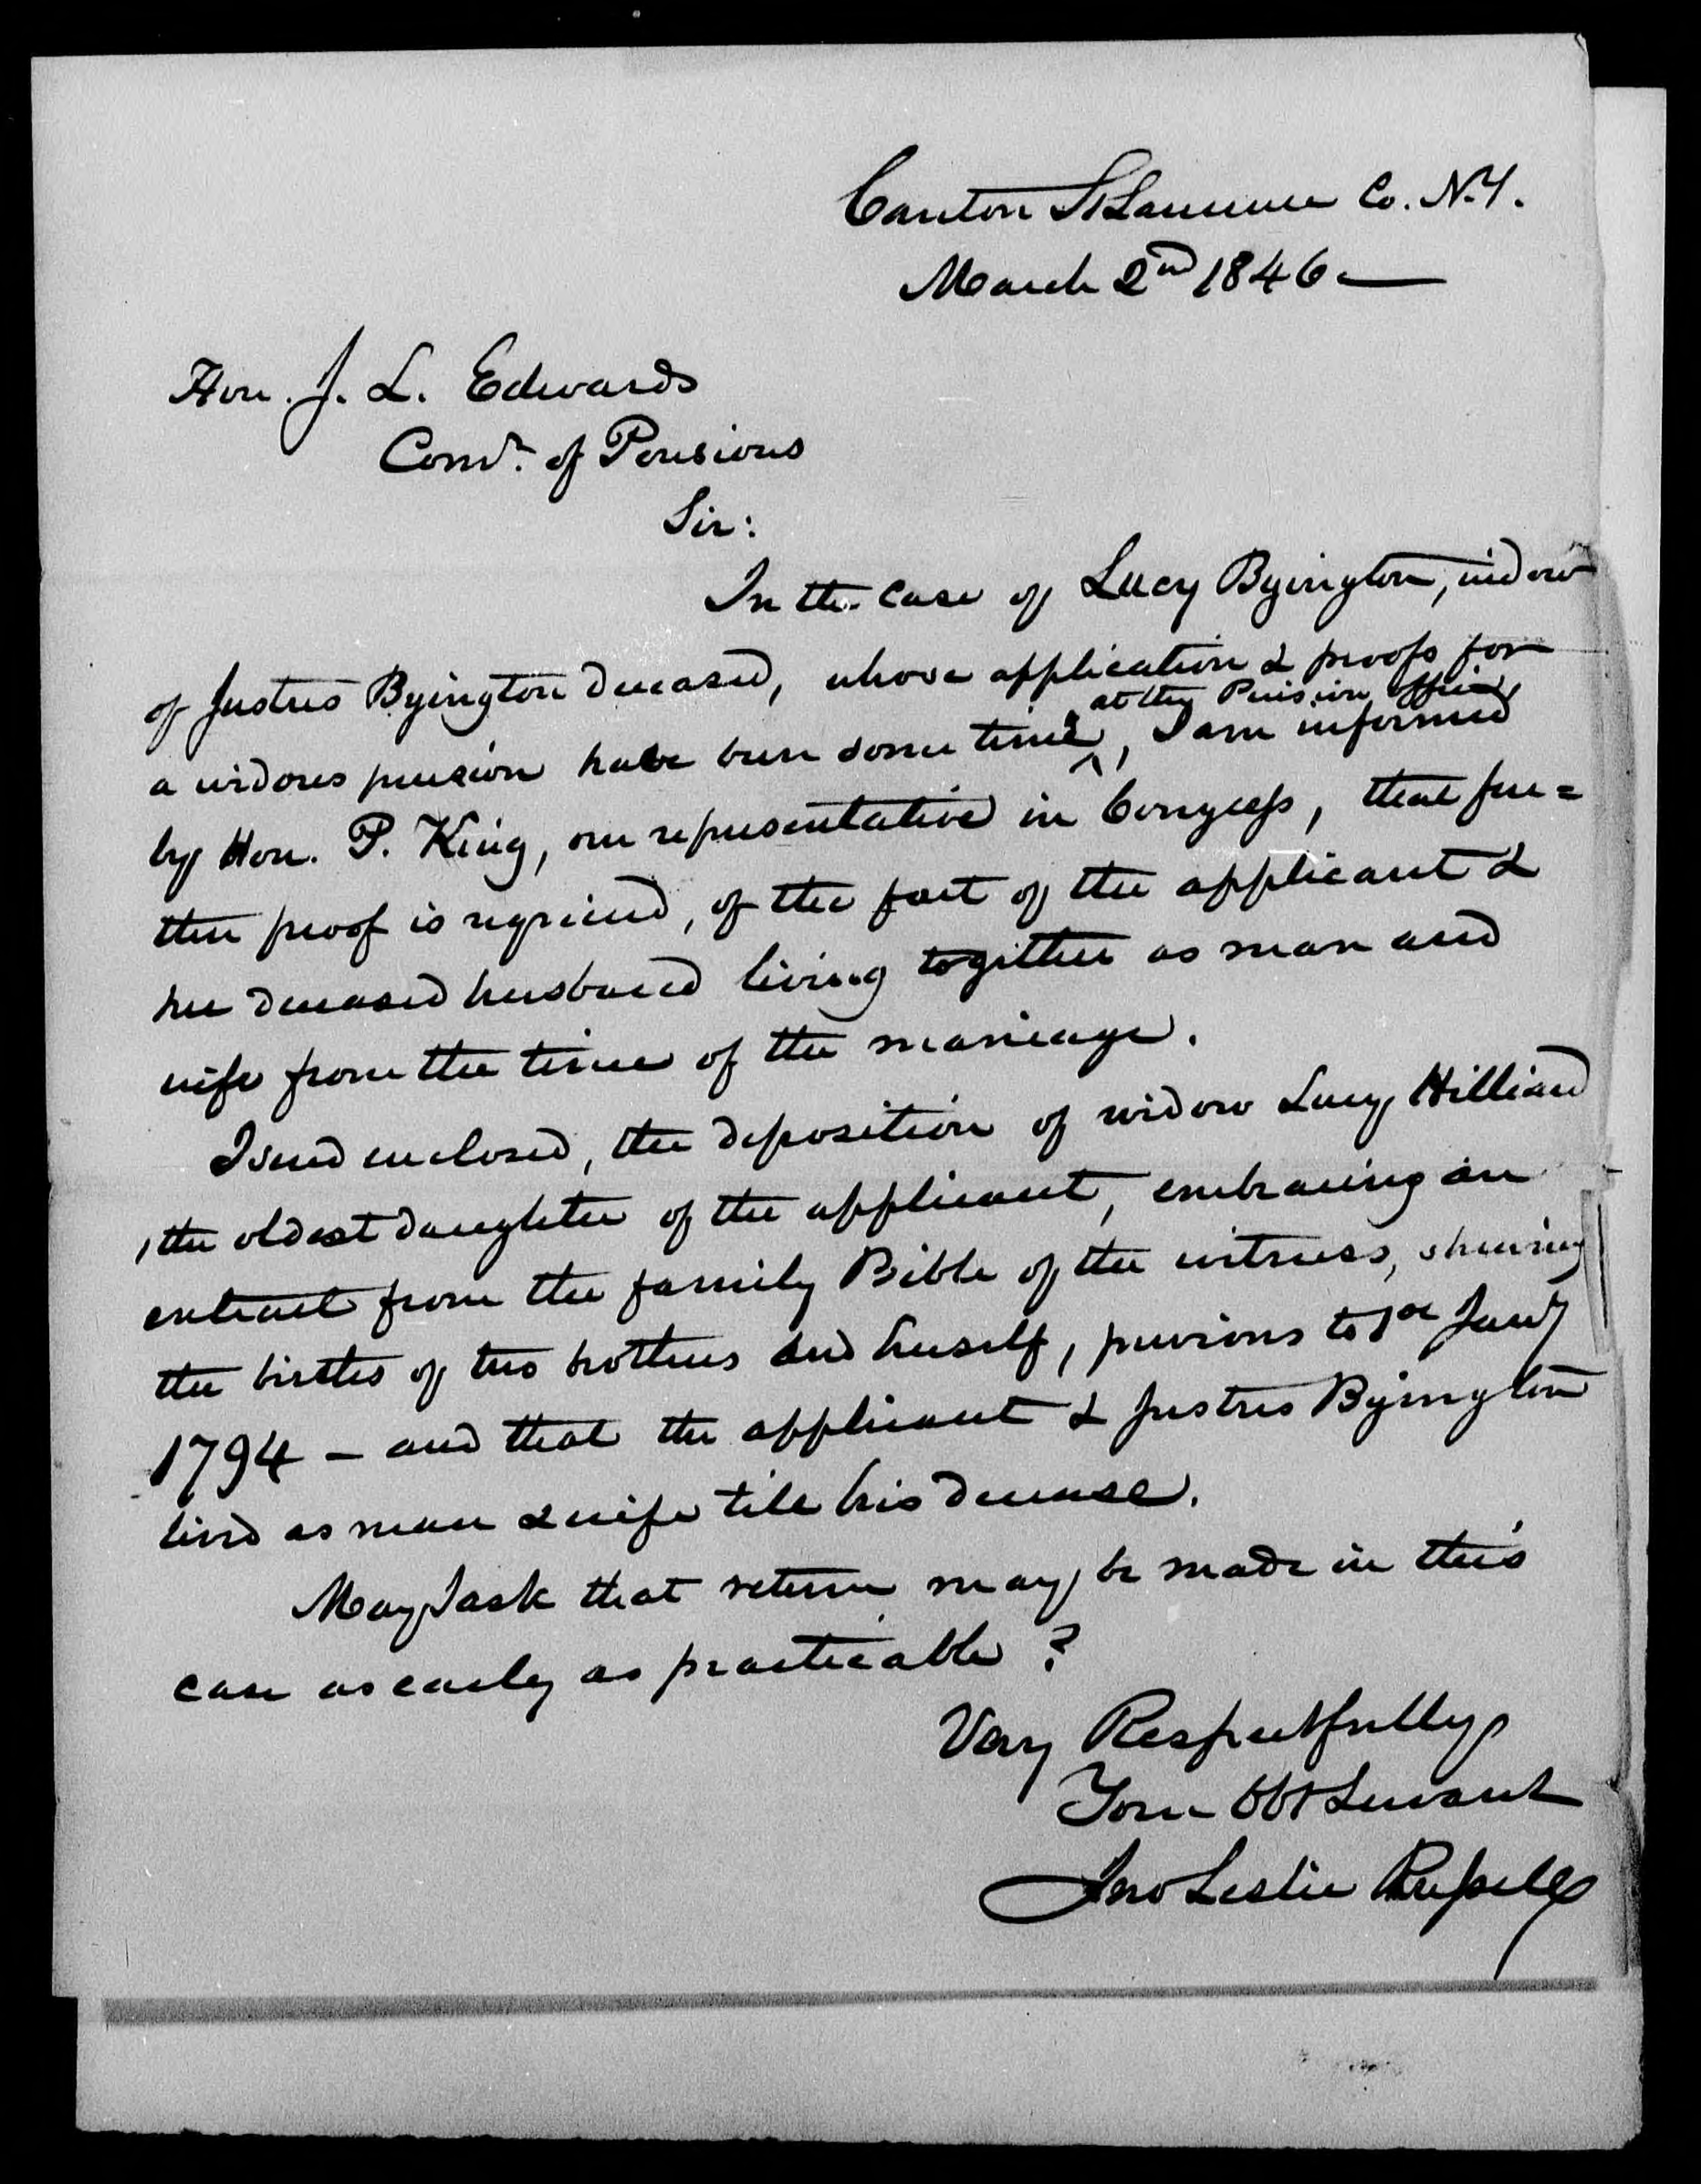Canton St. Lawrence Co. N.Y.

Hon. J.L. Edwards
Com. of Pensions

Sir:
In the case of Lucy Byington, widow of Justus Byington deceased, whose application & proofs for a widows pension have been some time at the Pension Office, I am informed by Hon. P. King, our representative in Congress, that further proof is required, of the part of the applicant & her deceased husband living together as man and wife from the time of the marriage.
I send enclosed, the deposition of widow Lucy Hilliard, the oldest daughter of the applicant, enclosing an entrail from the family Bible of the witness, showing the births of two brothers and herself, pensions to 7th July 1794-and that the applicant & Justus Byington lived as man & wife till his decease.
May I ask that return may be made in this case as early as practicable?

Very Respectfully
Your Obt Servant
Jno. Leslie Russell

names: Justus Byington, Justus Byington, Lucy Hilliard, Jno Lislie Russell, J L Edwards, P King, Lucy Byington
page: 42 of 79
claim: widow's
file: W. 23754, Justus Byington, Conn.